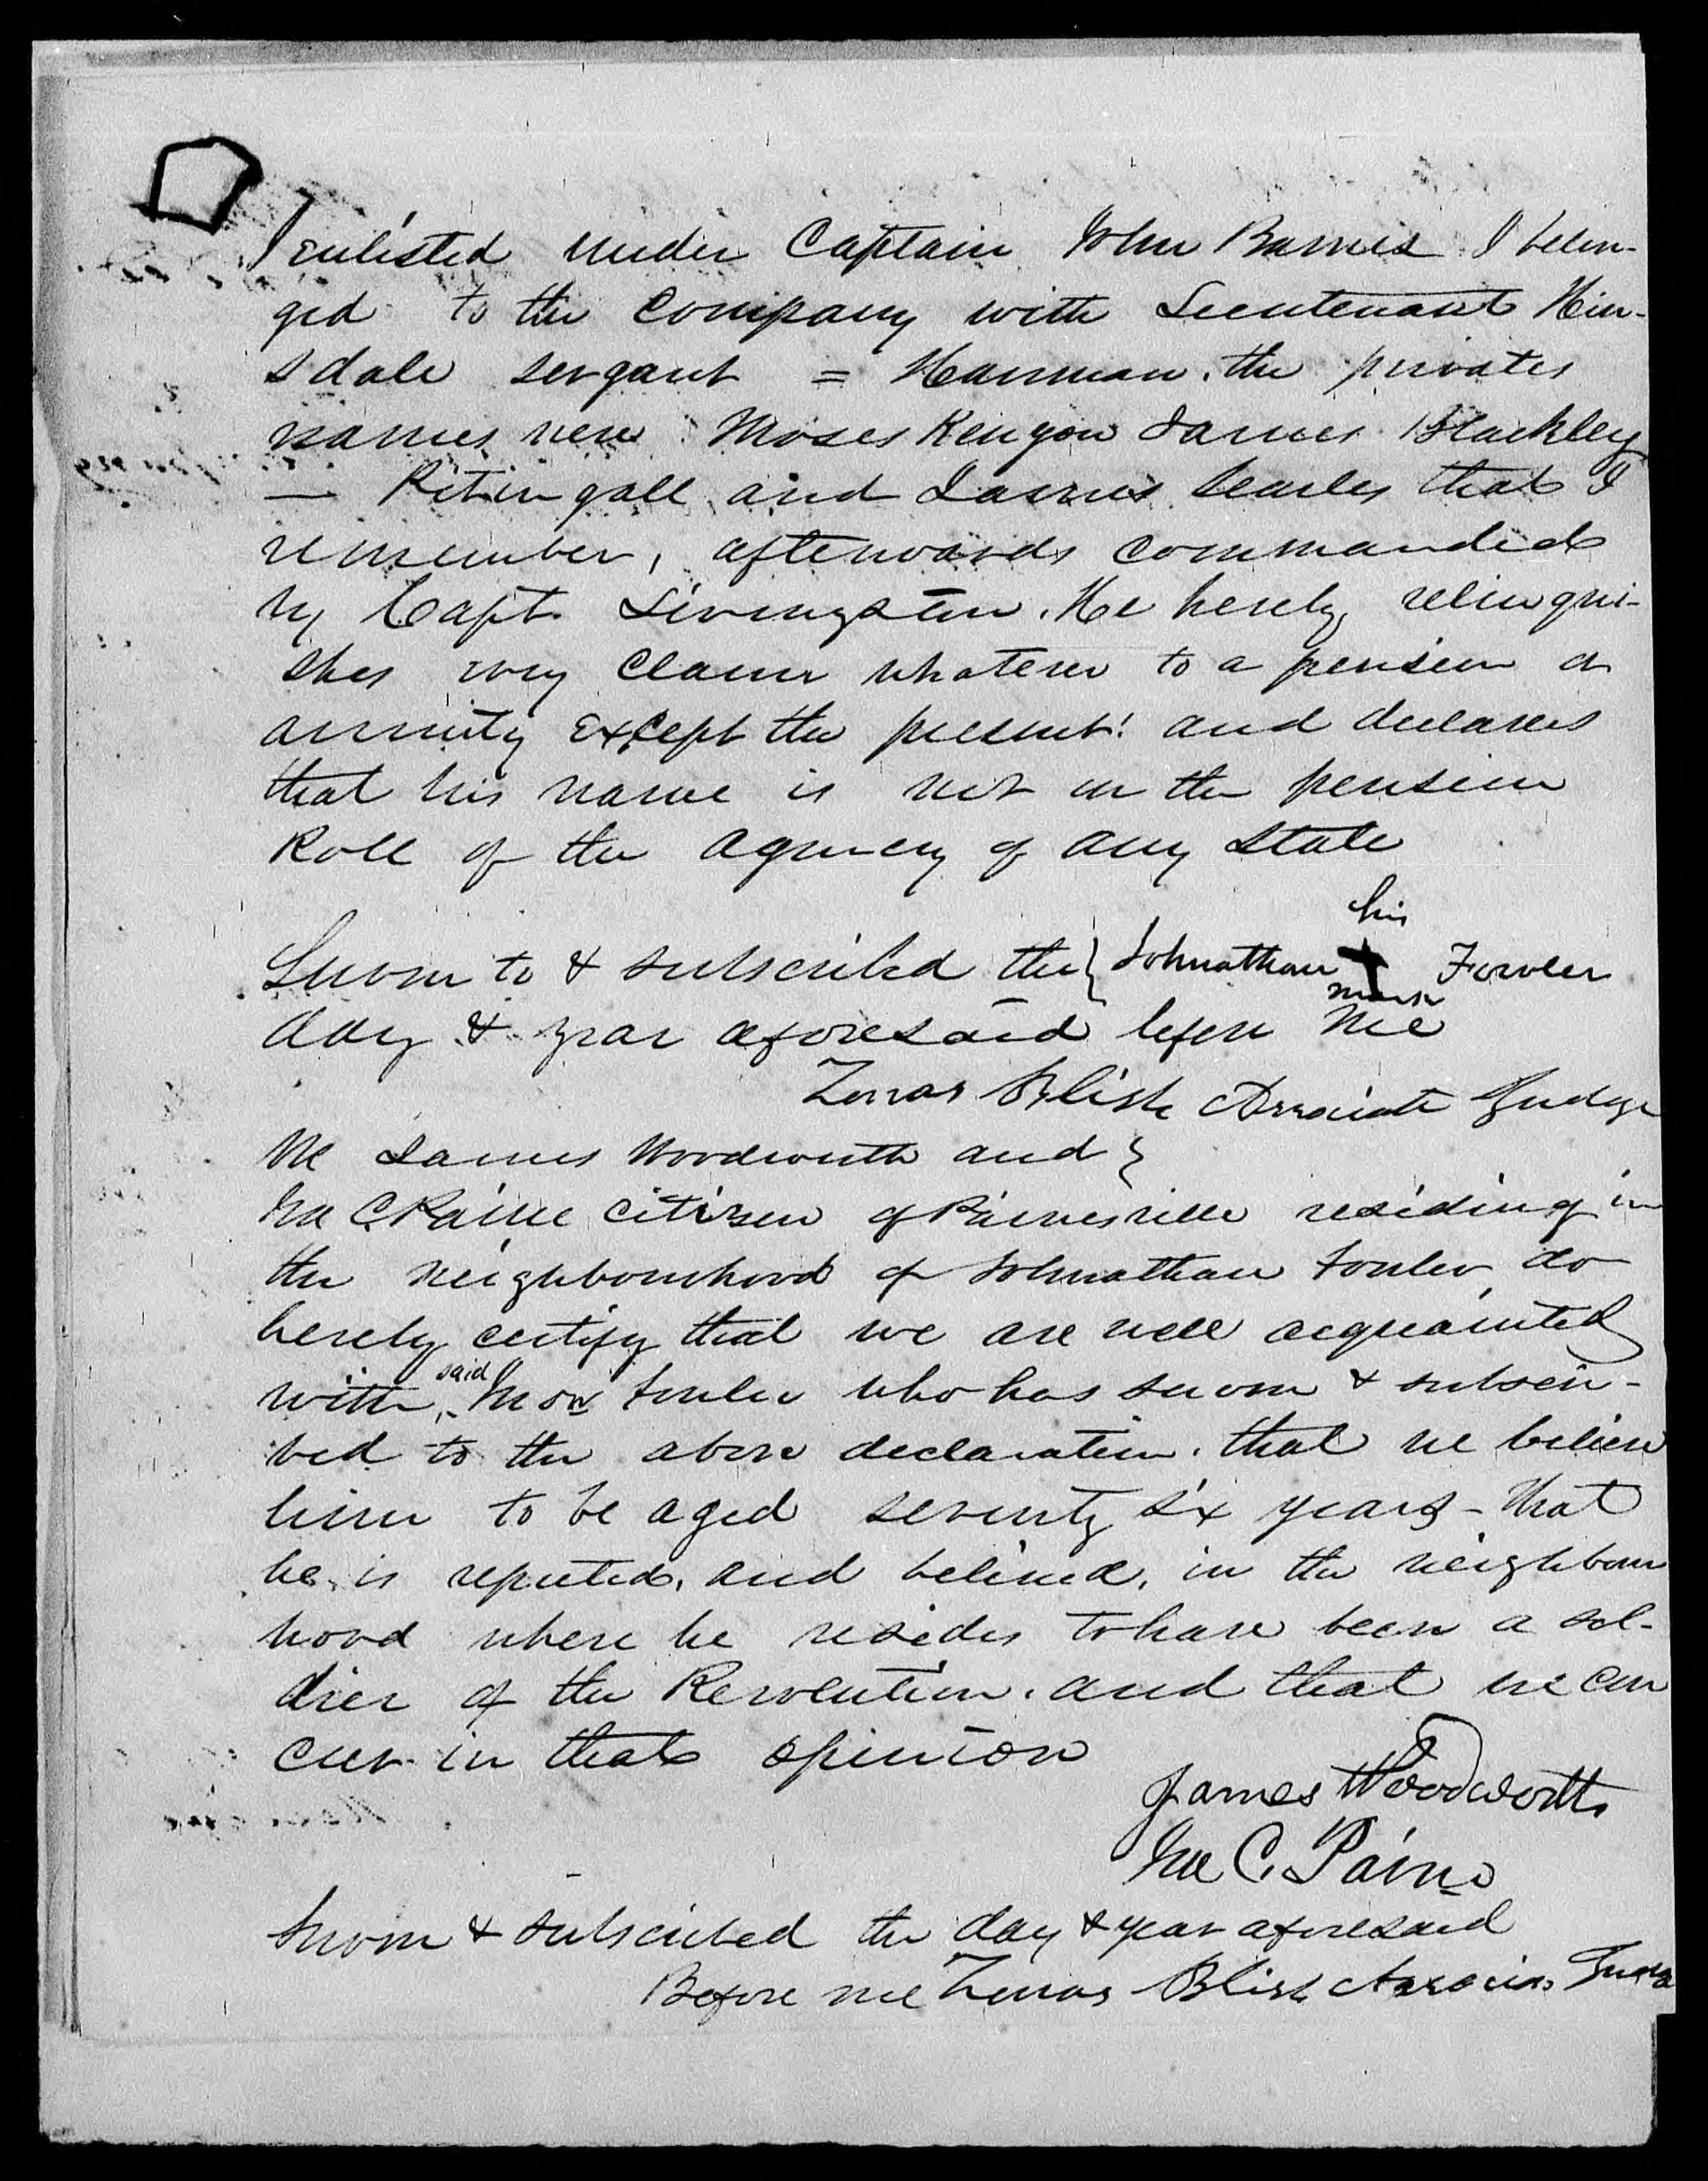I enlisted under Captain John Barnes. I belonged to the company with Lieutenant Kinsdale sergant Hanman, the privates names were Moses Kenyon James Blackley Petengall and James Searles that I remember, afterwards commanded by Capt Livingston. He hereby relinquishes every claim whatever to a pension & accuity except the present and declares that his name is not in the pension roll of the agency of any state.
Johnathan Fowler - X his mark

Sworn to & subscribed the day & year aforesaid before me.
Zenas Blish Associate Judge

Mr. James Woodworth and Jue C. Paine citizen of Painsville residing in the neighbourhood of Johnathan Fowler do hereby certify that we are well acquainted with said Jnon. Fowler who has sworn & subscribed to the above declaration. That we believe him to be aged seventy six years. That he is reputed and believed, in the neighbourhood where he resides to have been a soldier of the Revolution and that we concur in that opinion.
James Woodworth
Jue C. Paine

Sworn & subscribed the day & year aforesaid before me.
Zenas Blish Associate Judge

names: Moses Kenyon, Hinsdale, Johnathan Fowler, James Searles, James Blackley, Livingston, Jue C Paine, Hanman, James Woodworth, Zenas Blish, Johnathan Fowler, Zenas Blish, John Barnes, Petingall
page: 6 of 44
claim: survivor's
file: S. 23639, Jonathan Fowler, New York